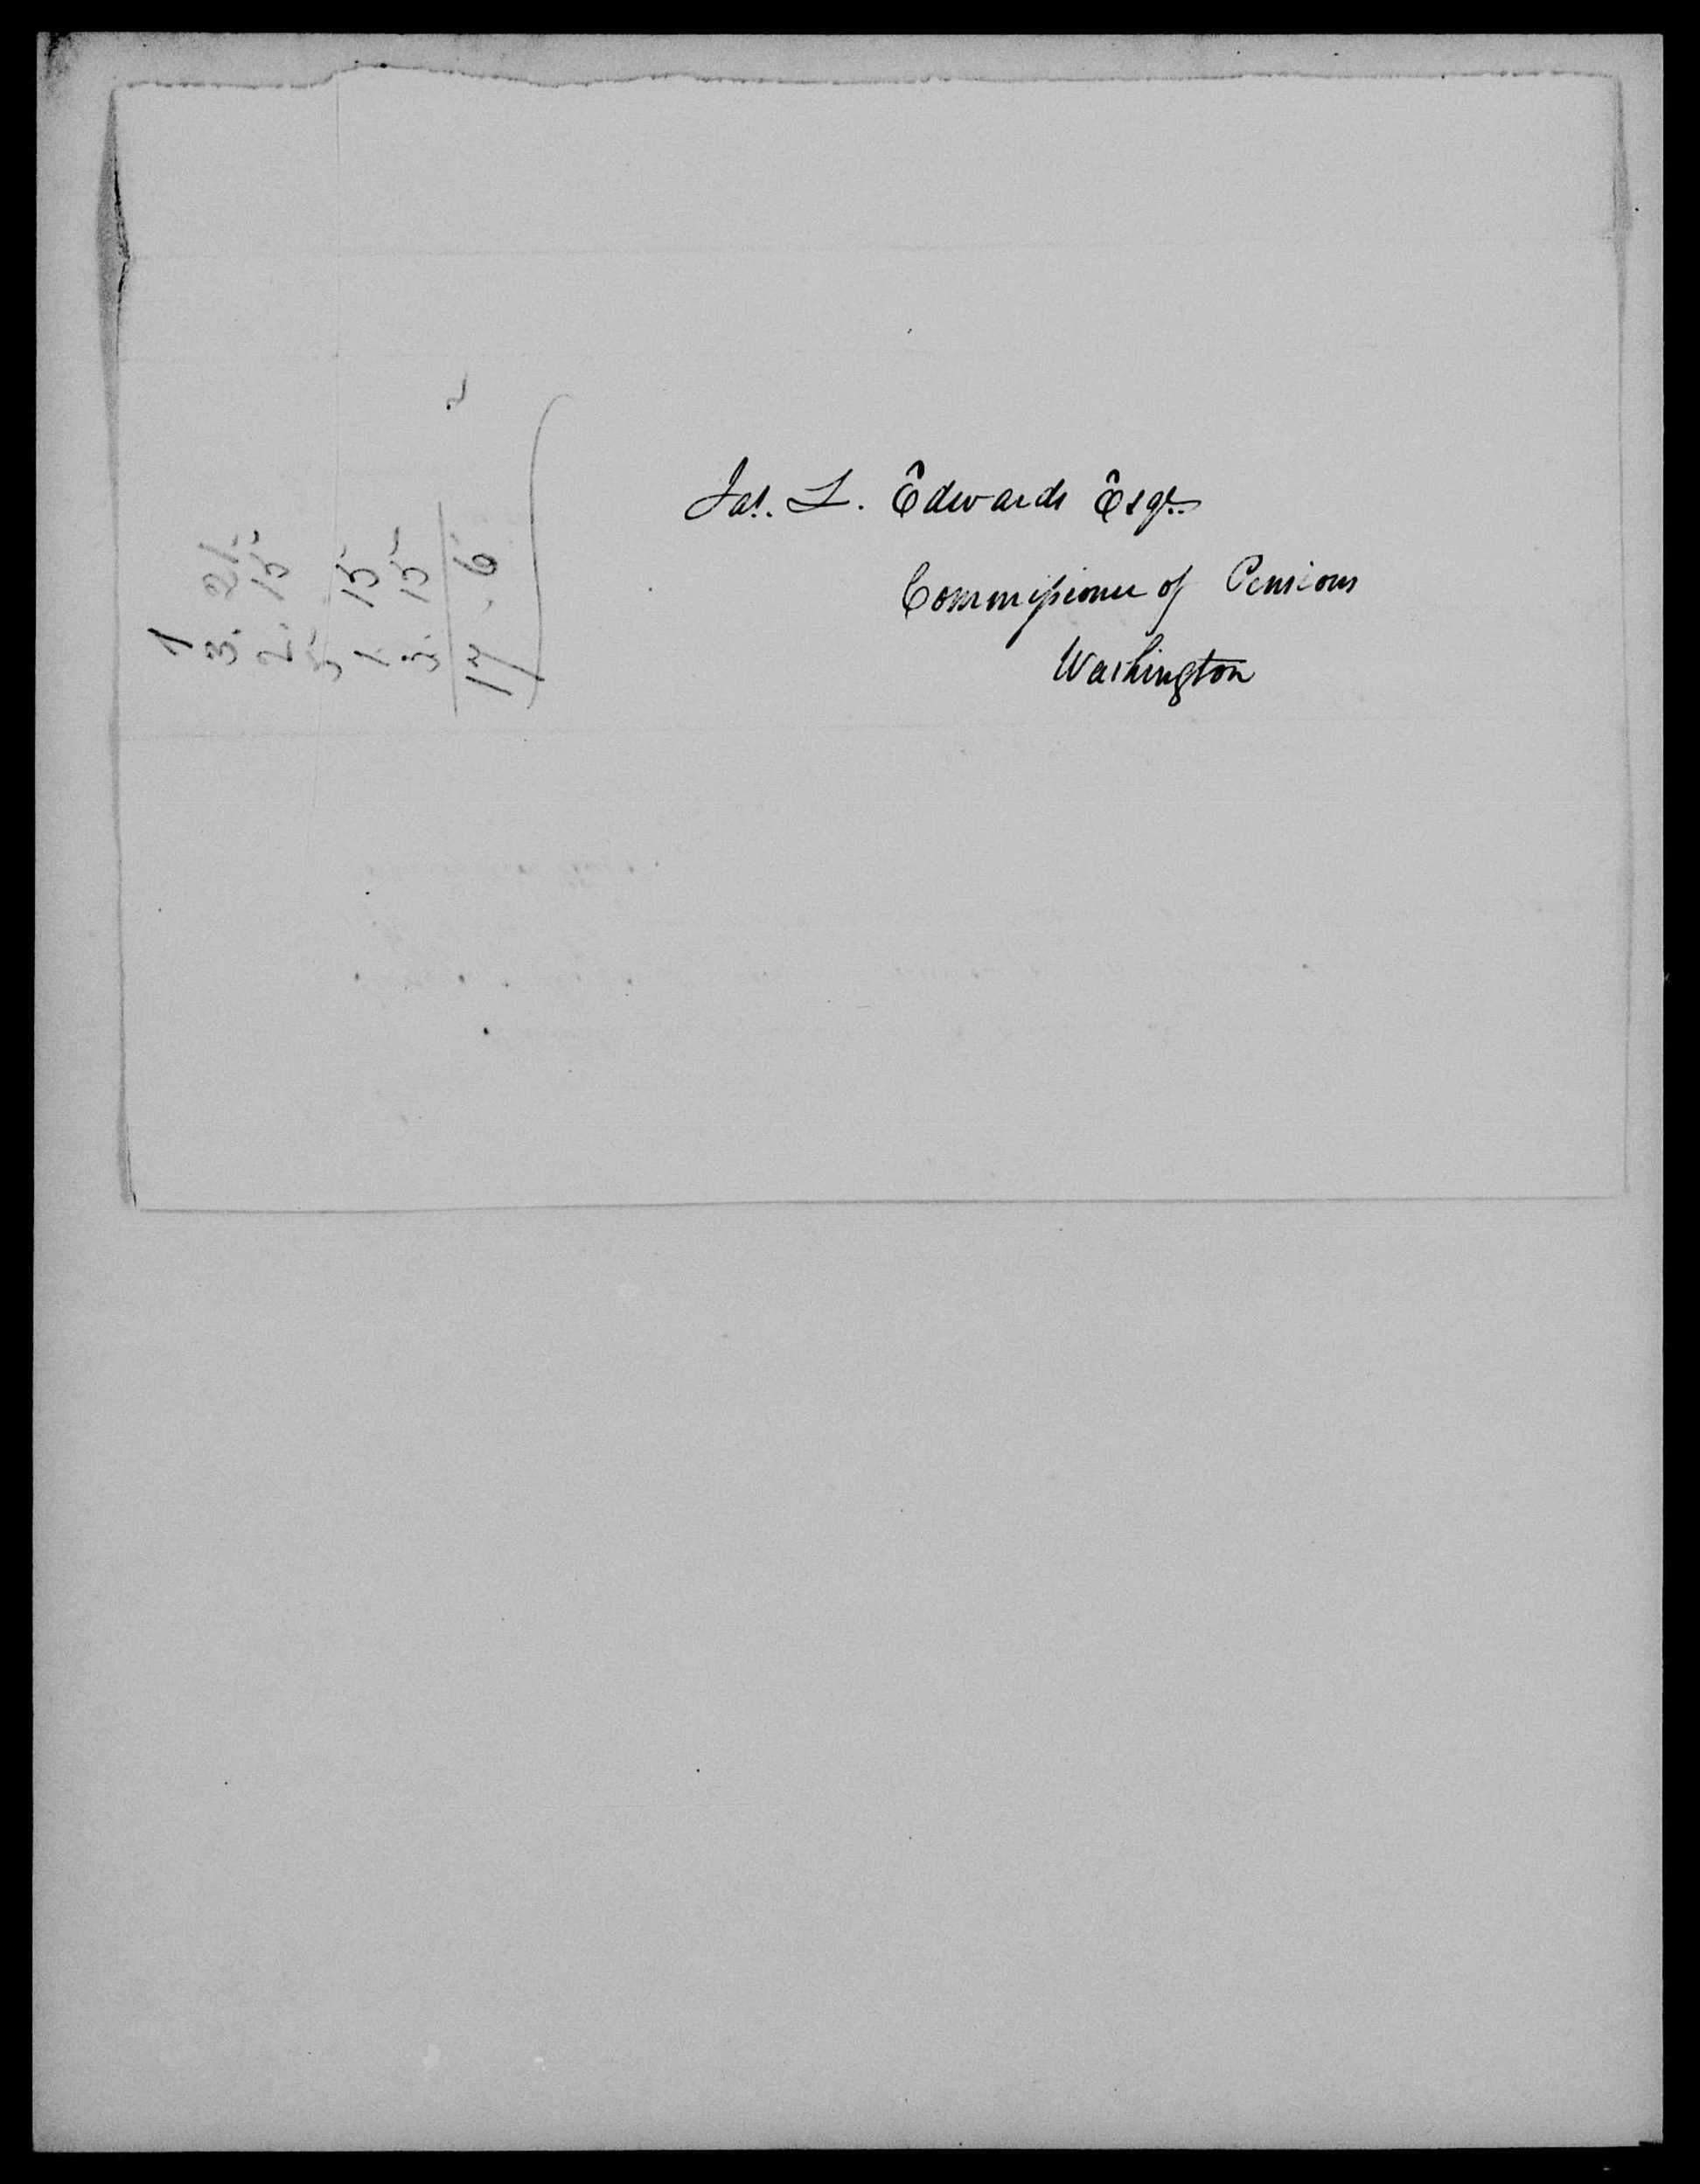Jas L. Edwards Esq
Commissioner of Pensions
Washington

1
3.21
2.15
5
1.15
3.15
17.60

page: 17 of 20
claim: survivor's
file: S. 4911, for Daniel Swayze, New Jersey